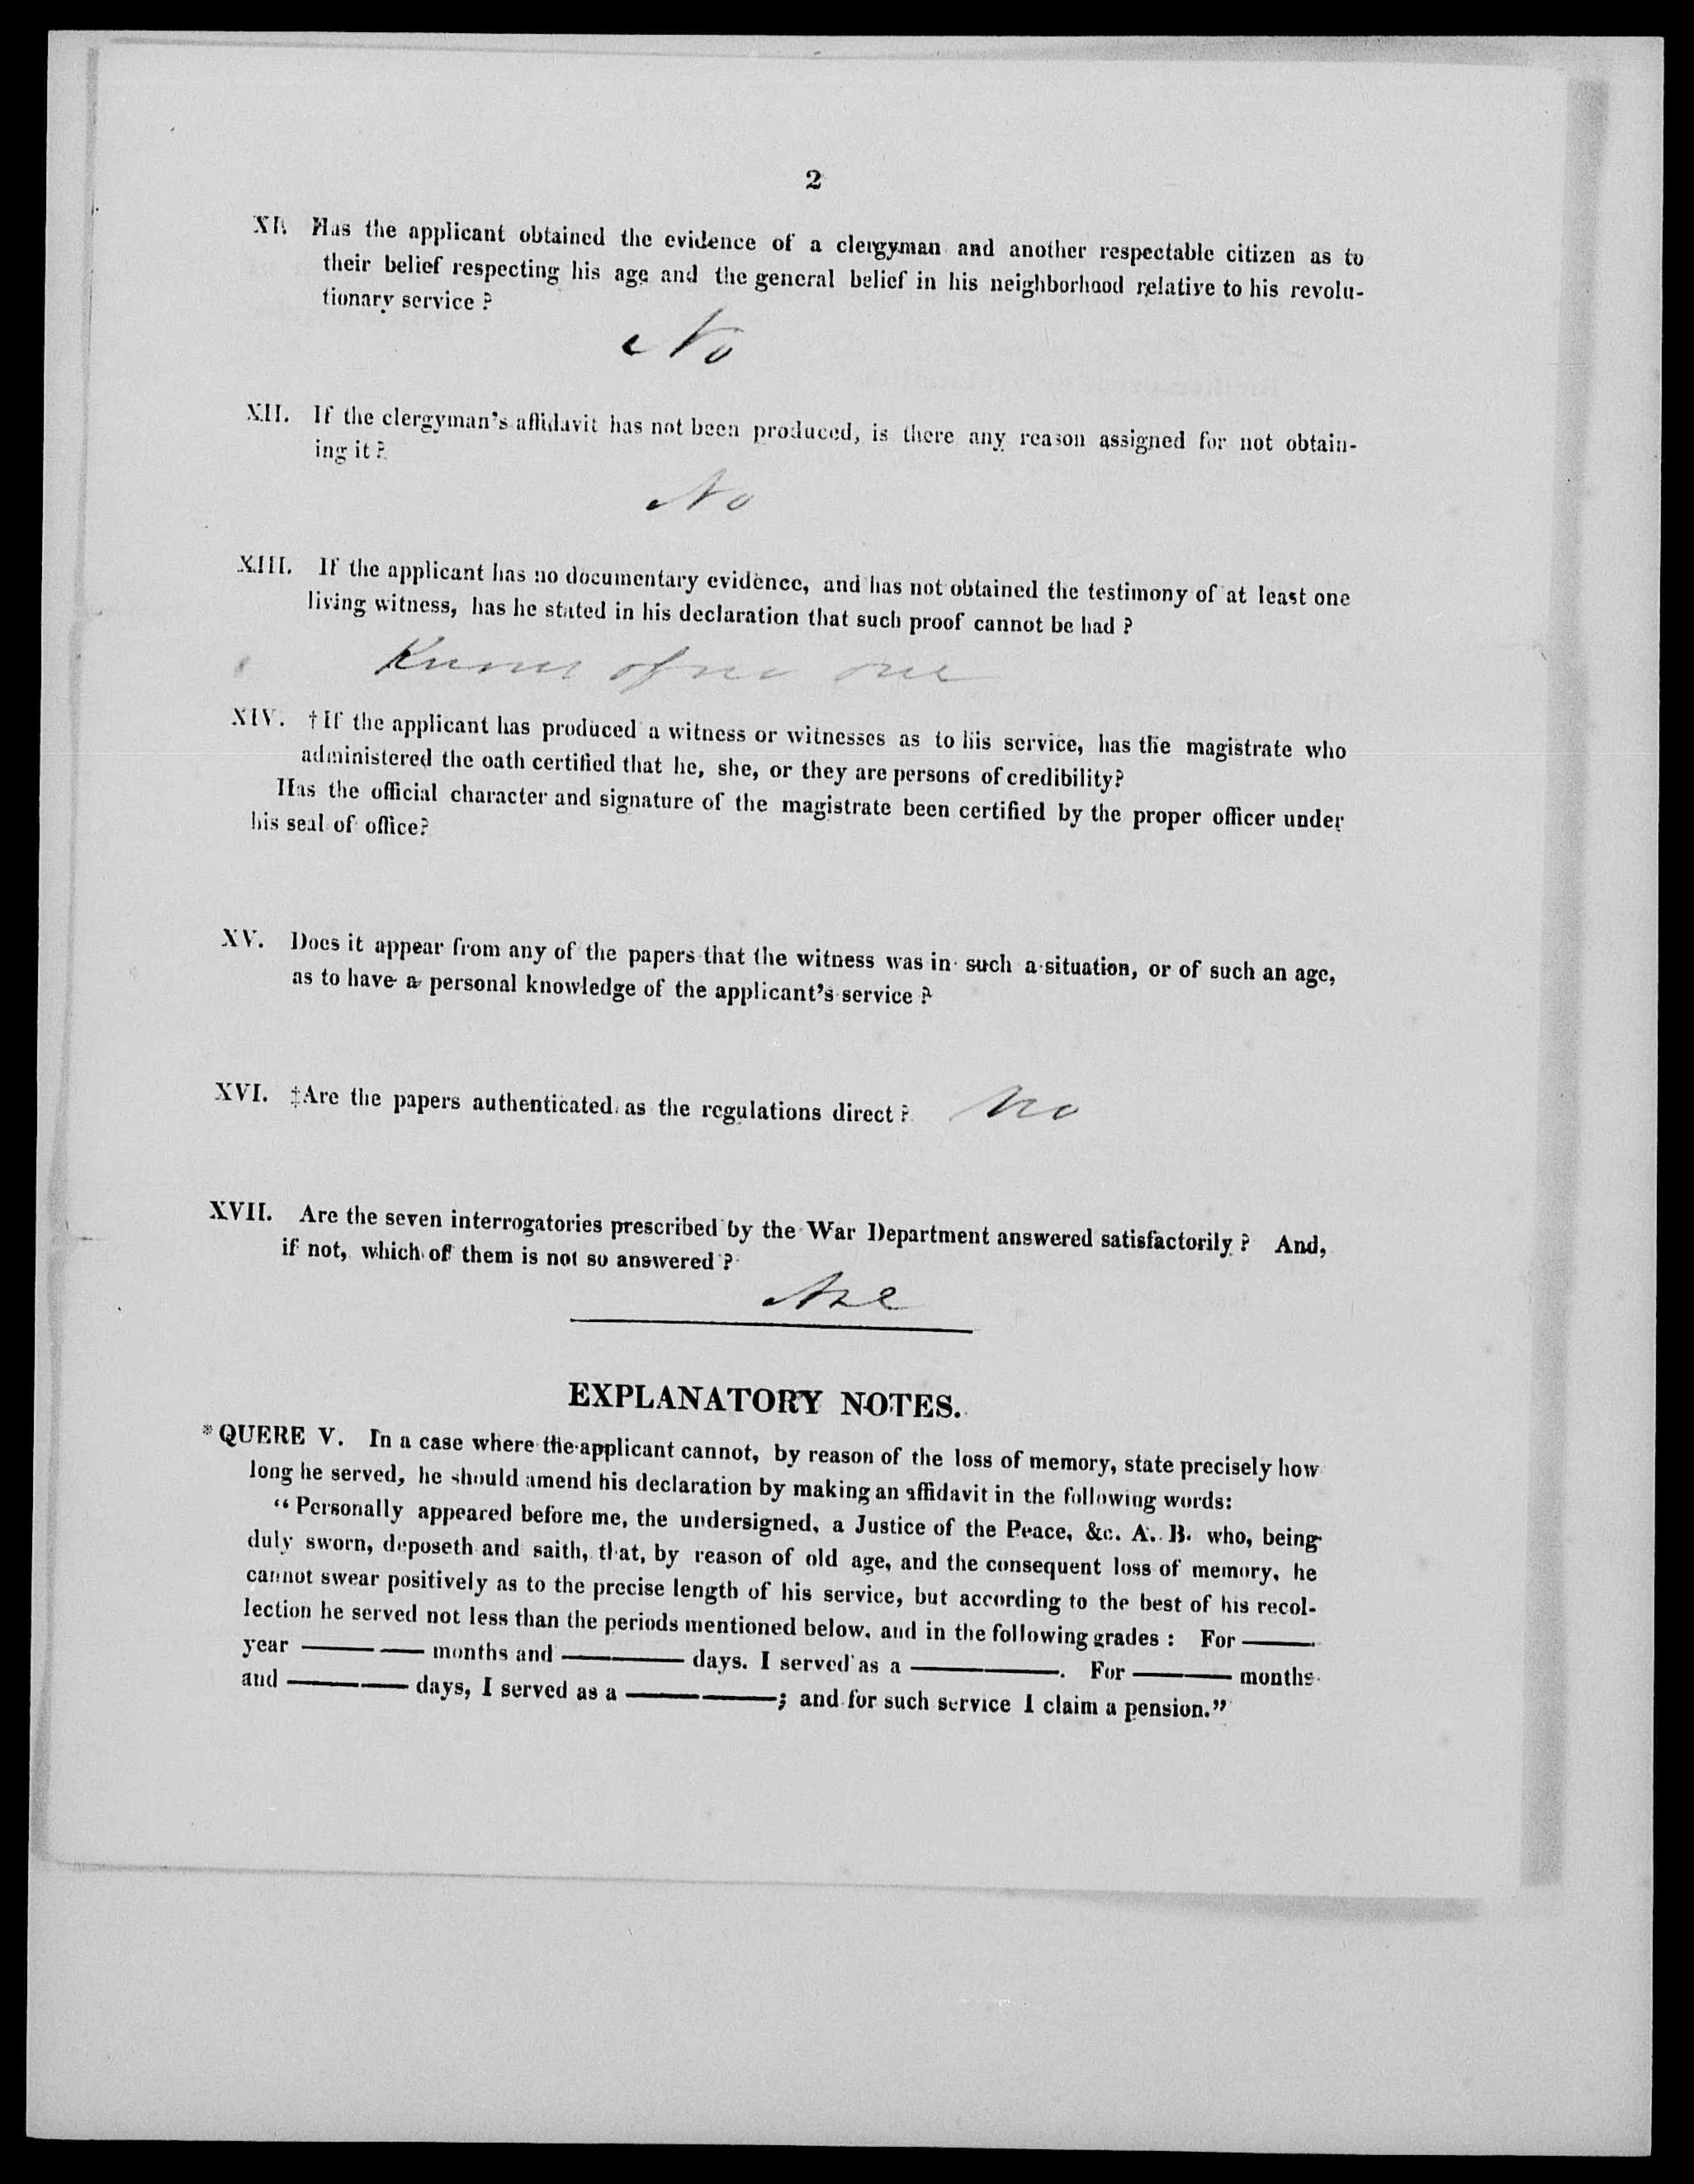XI.  Has the applicant obtained the evidence of a clergyman and another respectable citizen as to their belief respecting his age and the general belief in his neighborhood relative to his revolutionary service?  No

XII.  If the clergyman's affidavit has not been produced, is there any reason assigned for not obtaining it?   No

XIII.  If the applicant has no documentary evidence, and has not obtained the testimony of at least one living witness, has he state in his declaration that such proof cannot be had ?

Knows of no one

XIV.  If the applicant has produced a witness or witness as to his service, has the magistrate who administered the oath certified that he, she, or they are persons of credibility?
Has the official character and signature of the magistrate been certified by the proper officer under his seal of office?  [blank]

XV.  Does it appear from any of the papers that the witness was in such a situation, or of such an age, as to have a personal knowledge of the applicant's service ? {blank]

XVI.  Are the papers authenticated as the regulations direct?  No

XVII.  Are the seven interrogatories prescribed by the War Department answered satisfactorily?  And, if not, which of them is not so answered?  No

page: 60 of 70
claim: rejected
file: R. 6510, for Israel Luce, New York